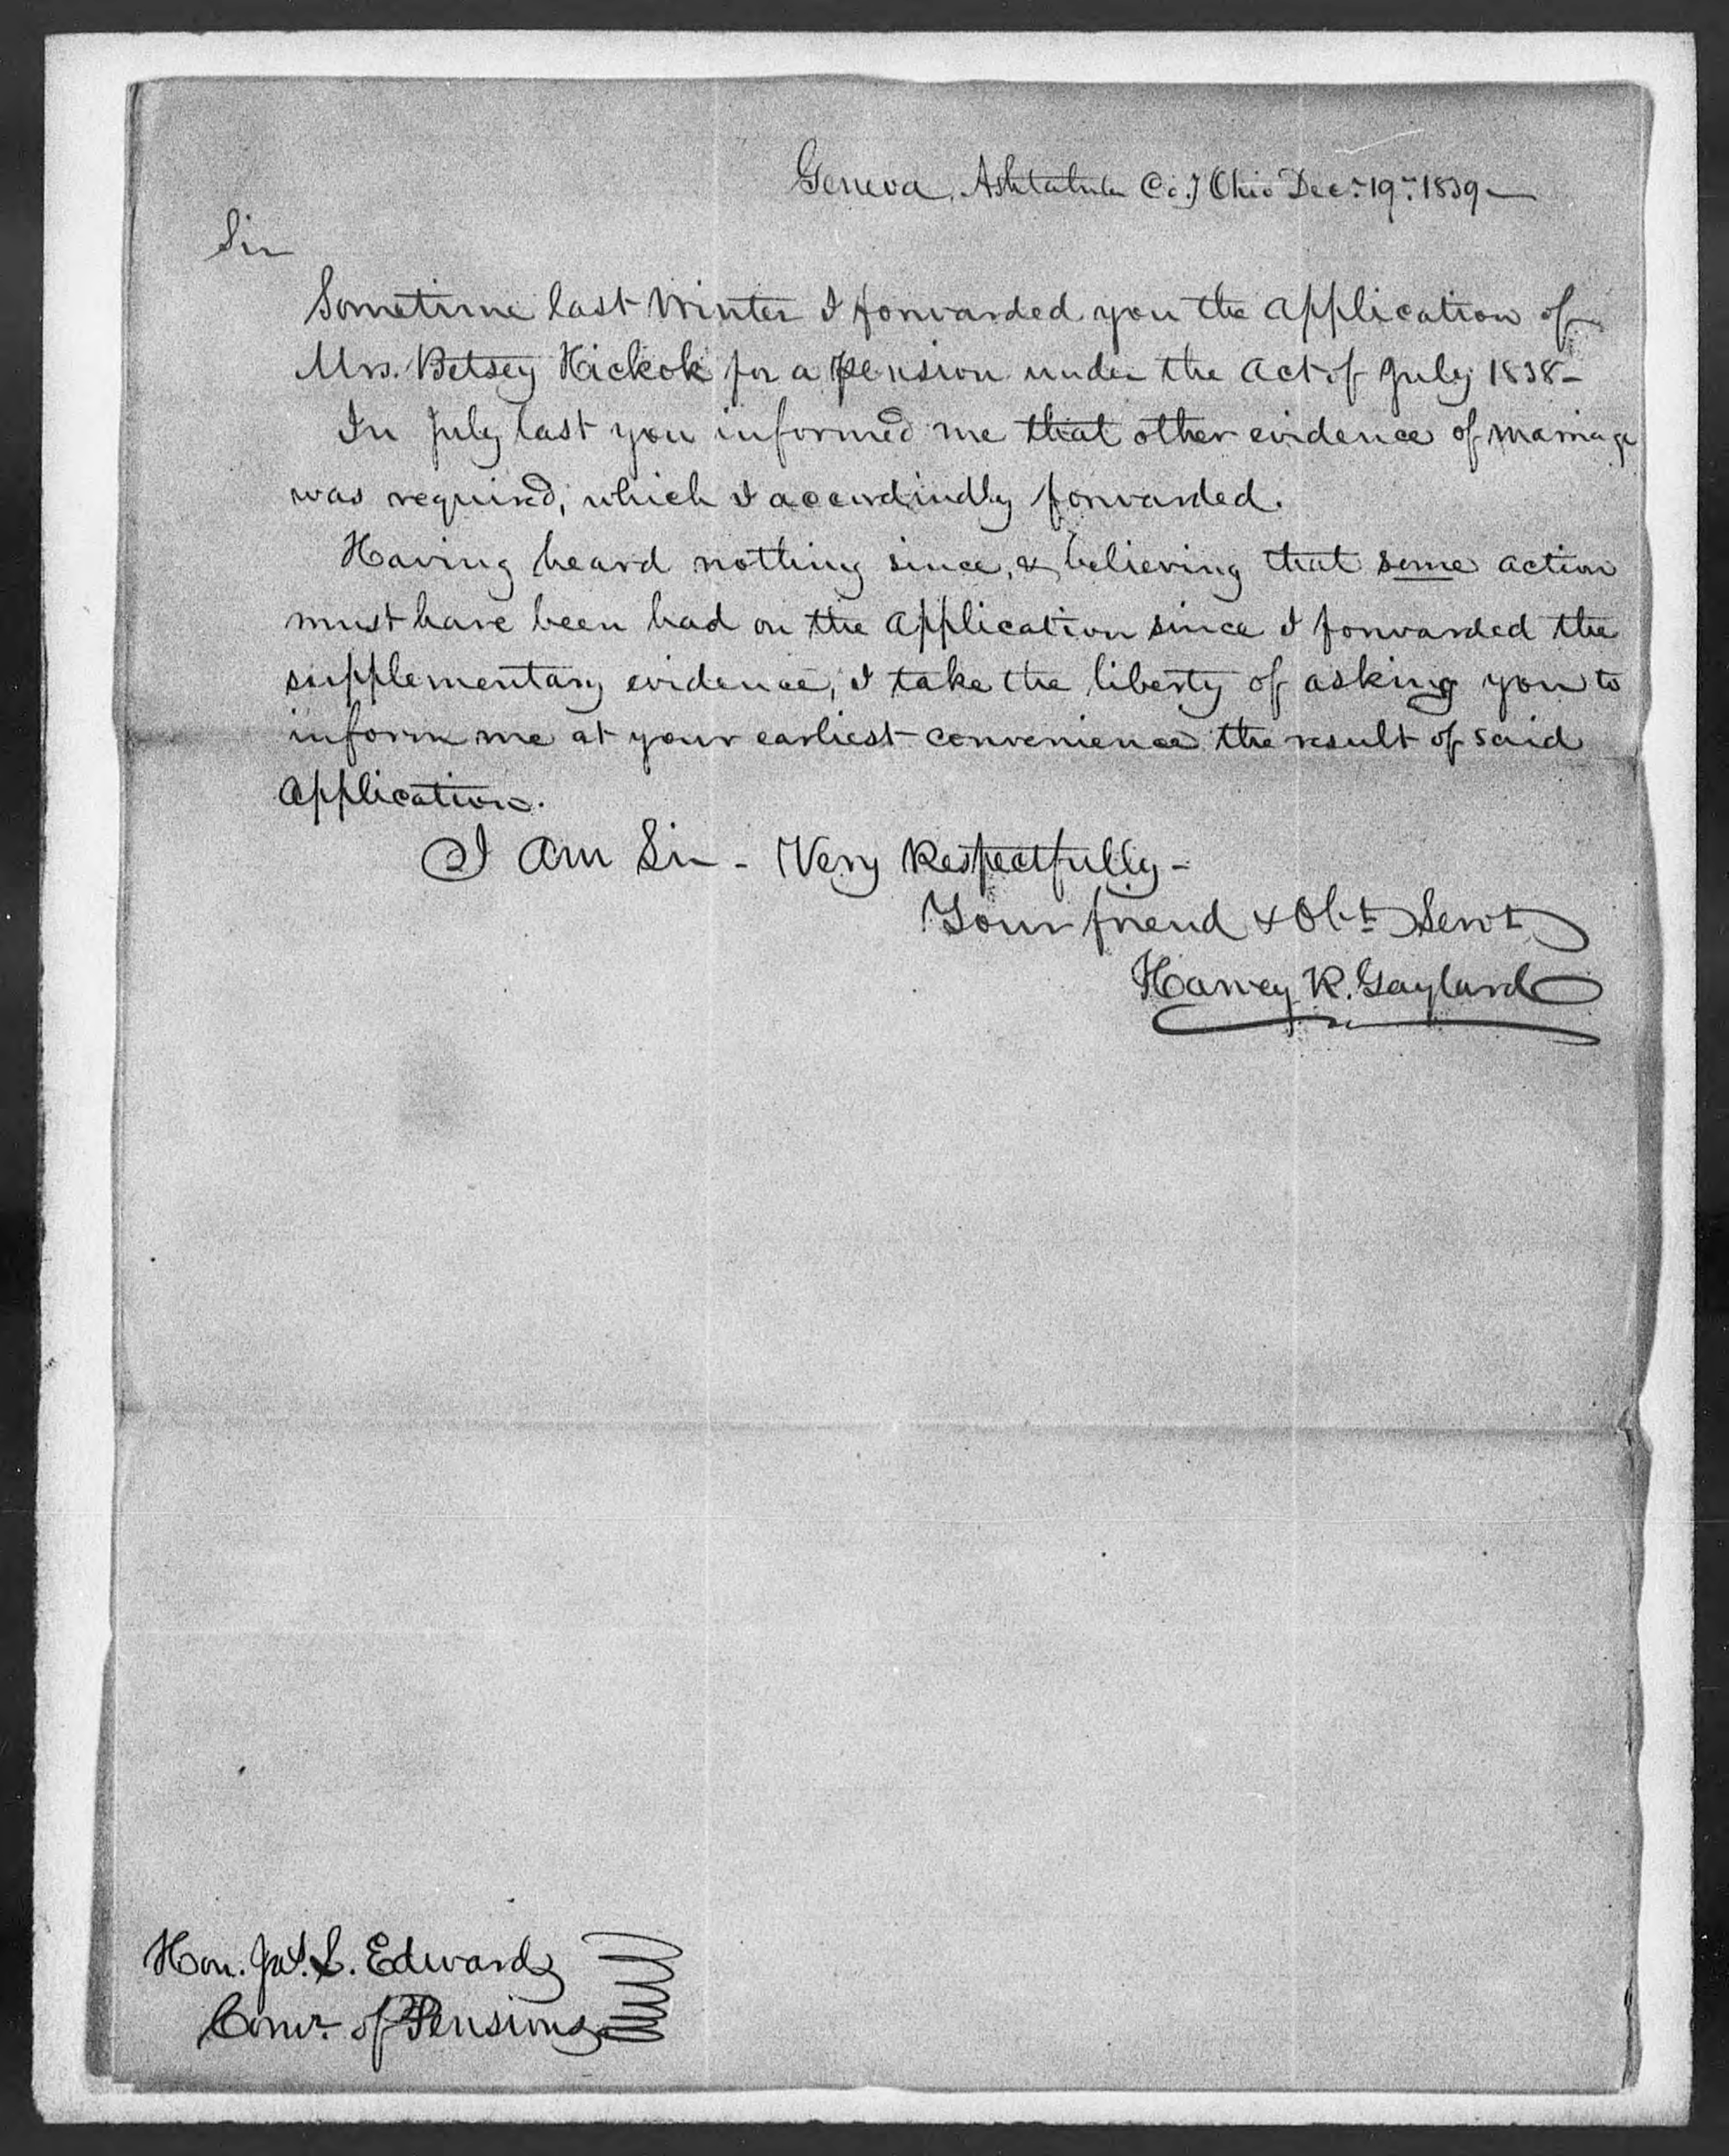Geneva Ashtaluta Co.y [County] Ohio Dec.-19.-1839
Sir
Sometime last winter I forwarded you the application of Mrs. Betsey Hickok for a pension under the act of July 1838-
In July last you informed me that other evidence of marriage was required, which I accordindly [accordingly] forwarded.
Having heard nothing since, & believing that  some [underlined] action must have been had on the application since I forwarded the supplementary evidence, I take the liberty of asking you to inform me at your earliest convenience the result of said application.
I am Sir, Very Respectfully-
Your friend + Obt. Servt
Harvey R. Gaylard [flourish underneath]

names: Harvey R Gaylard, Betsey Hickok, Jas L Edwards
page: 39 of 45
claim: widow's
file: W. 4988, Durlin Hickok, Mass.